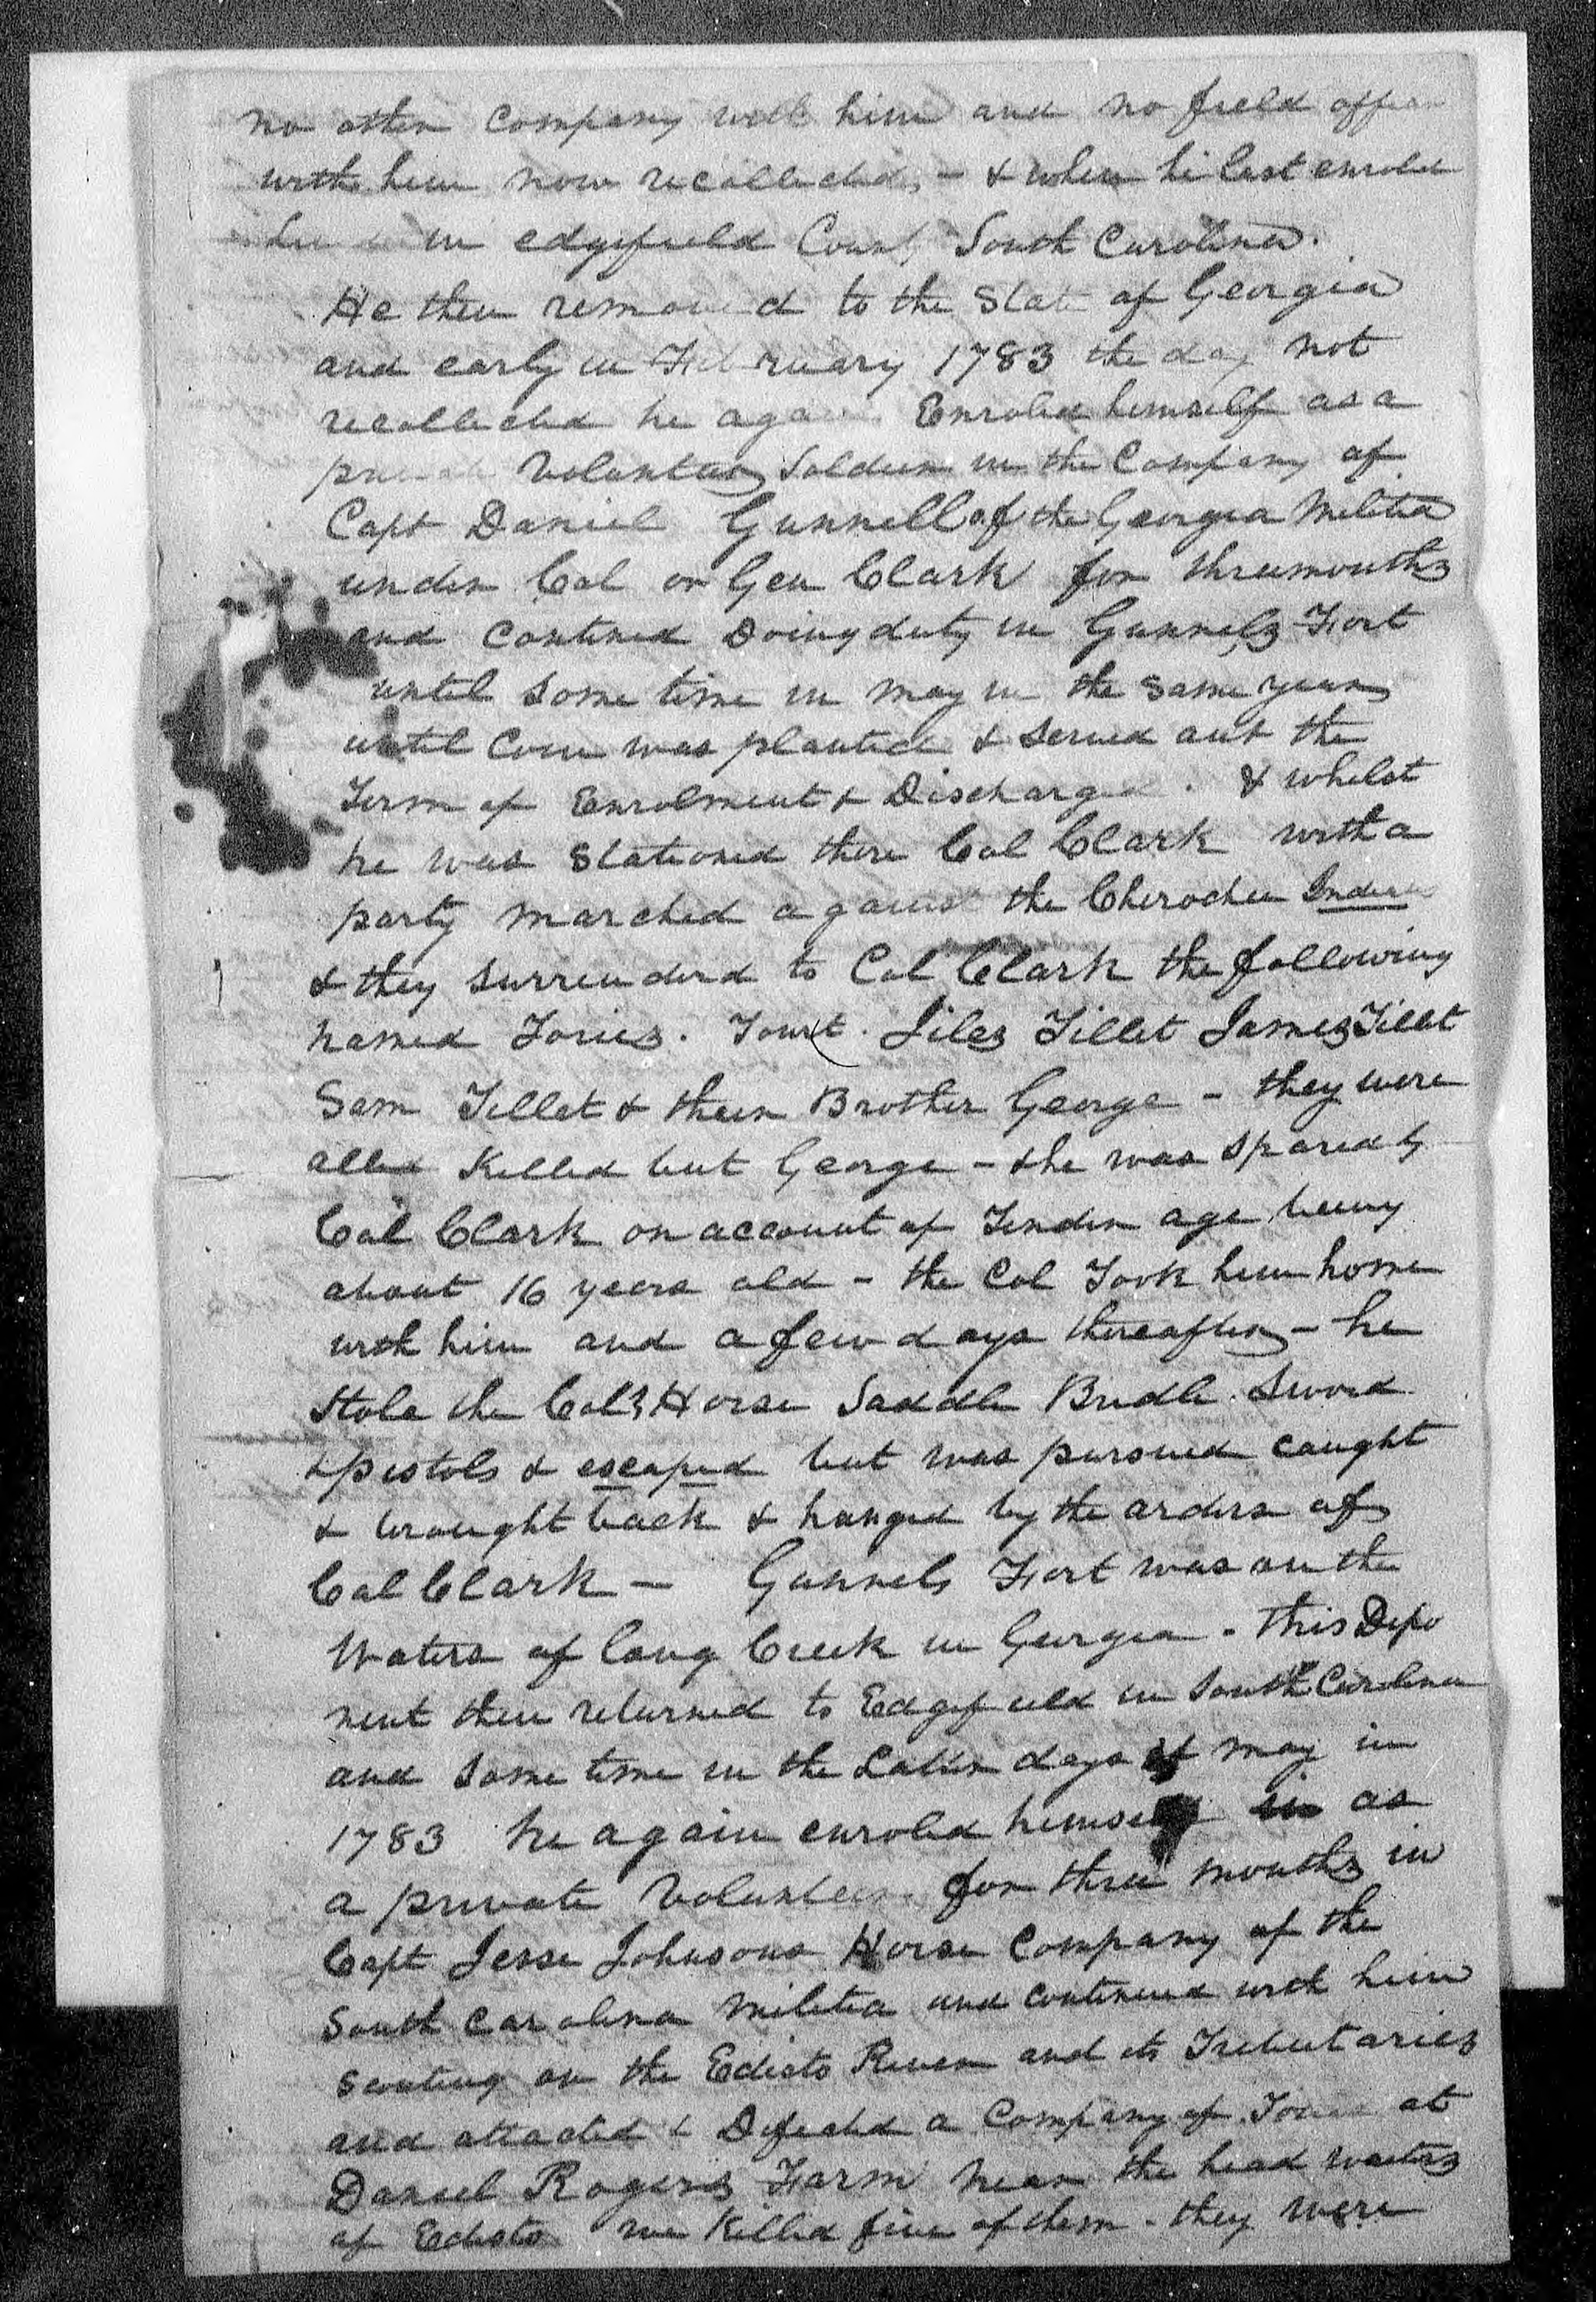no other company with him and no field officers
with him now recalled - & when he last enroled
in edgefield Court South Carolina.
He then removed to the state of Georgia 
and early in February 1783 the day not
recalled he again enroled himself as a 
private voluntary soldier in the Company of 
Capt Daniel Gunnel of the Georgia Militia
under Col or Gen Clark for three months
and continued doing duty in Gunnells Fort [?]
until some time in May in the same year
until corn was planted & served out the 
Term of Enrolment & discharged.  & whilst
he was stationed there Col Clark with a 
party marched against the Cherokee Indians
& they surrendered to Col Clark the following
named Tories.  Tourt [?] Giles Tillet James Tillet
Sam Tillet & their Brother George - they were
all killed but George - & he was spared by
Col Clark on account of tender age being
about 16 years old - the Col took him home
with [?] him about a few days thereafter - he
stole the Cols horse saddle bridle sword
pistols & escaped but was pursued caught
& brought back & hanged by the orders of 
Col Clark - Gunnels Fort was on the 
waters of long Creek in Georgia.  This [?]
next there returned to Edgefield in South Carolina
and some time in the latter days of May in 
1783 he again enroled himself as
a private volunteer for three months in 
Capt Jesse Johnsons Horse Company of the 
South Carolina Militia and continued with him
scouting on the Edisto River and its Tributaries
and attacked & defended a company of Tories at 
Daniel Rogers Farm near the head waters 
of Edisto  We killed five of them. they were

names: Daniel Gunnell; [BLANK] Clark; Jesse Johnsons; [BLANK] Took; Jiles Tillet; Daniel Rogers; [BLANK] Tories; George [BLANK]; Sam Tillet; [BLANK] Tourt; James Tillet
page: 9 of 45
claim: widow's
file: W. 26160, for Thomas C Jones, Georgia